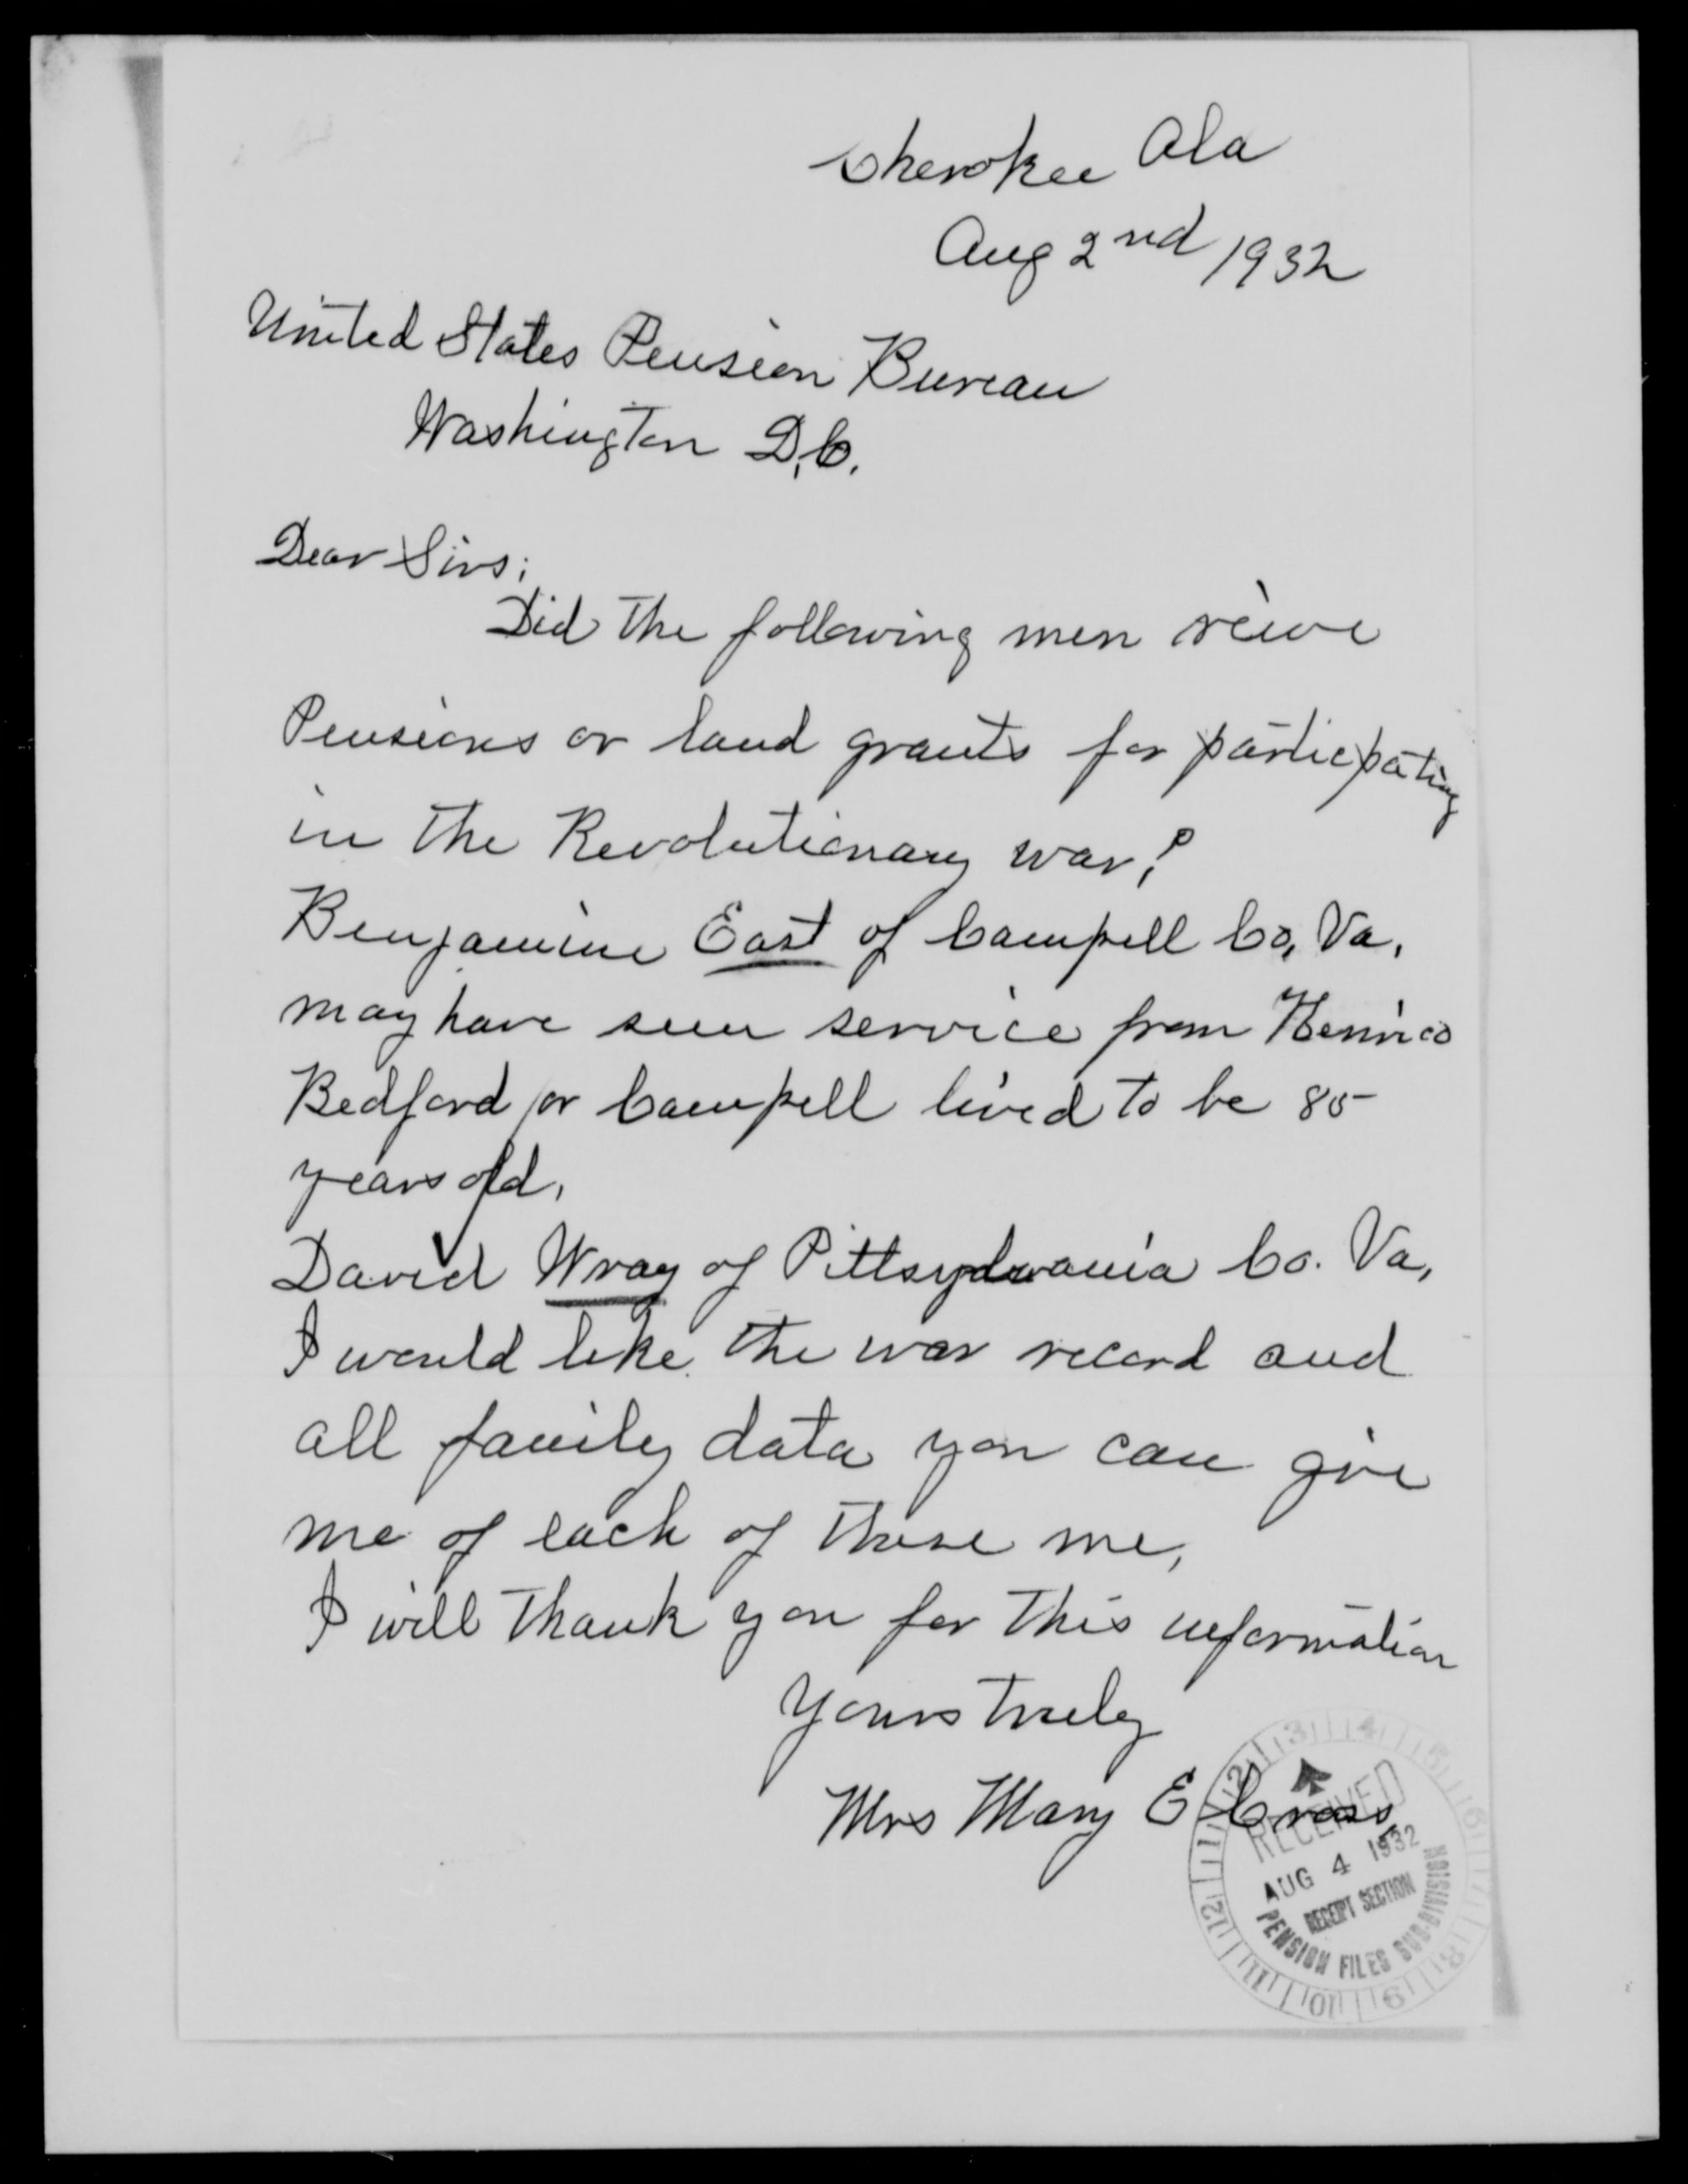Cherokee Ala
Aug 2nd 1932
United States Pension Bureau
Washington D.C.

Dear Sirs:
Did the following men receive
Pensions or land grants for participating in the Revolutionary War?
Benjamine East of Campbell Co, Va,
may have seen service from Henri co
Bedford or Campbell lived to be 85
years old.
David Wray of Pittsylvania Co. Va,
I would like the war record and
all family data you can give
me of each of these men.
I will Thank you for this information
Yours truly
Mrs Mary E Cross

[There is a round blank ink stamp on the lower right side of the page.]
RECEIVED
AUG 4 1932
RECEIPT SECTION
PENSION FILES SUB-DIVISION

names: Mary E Cross, David Wray, Benjamine East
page: 12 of 19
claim: survivor's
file: S. 7,973, David Wray, Va.